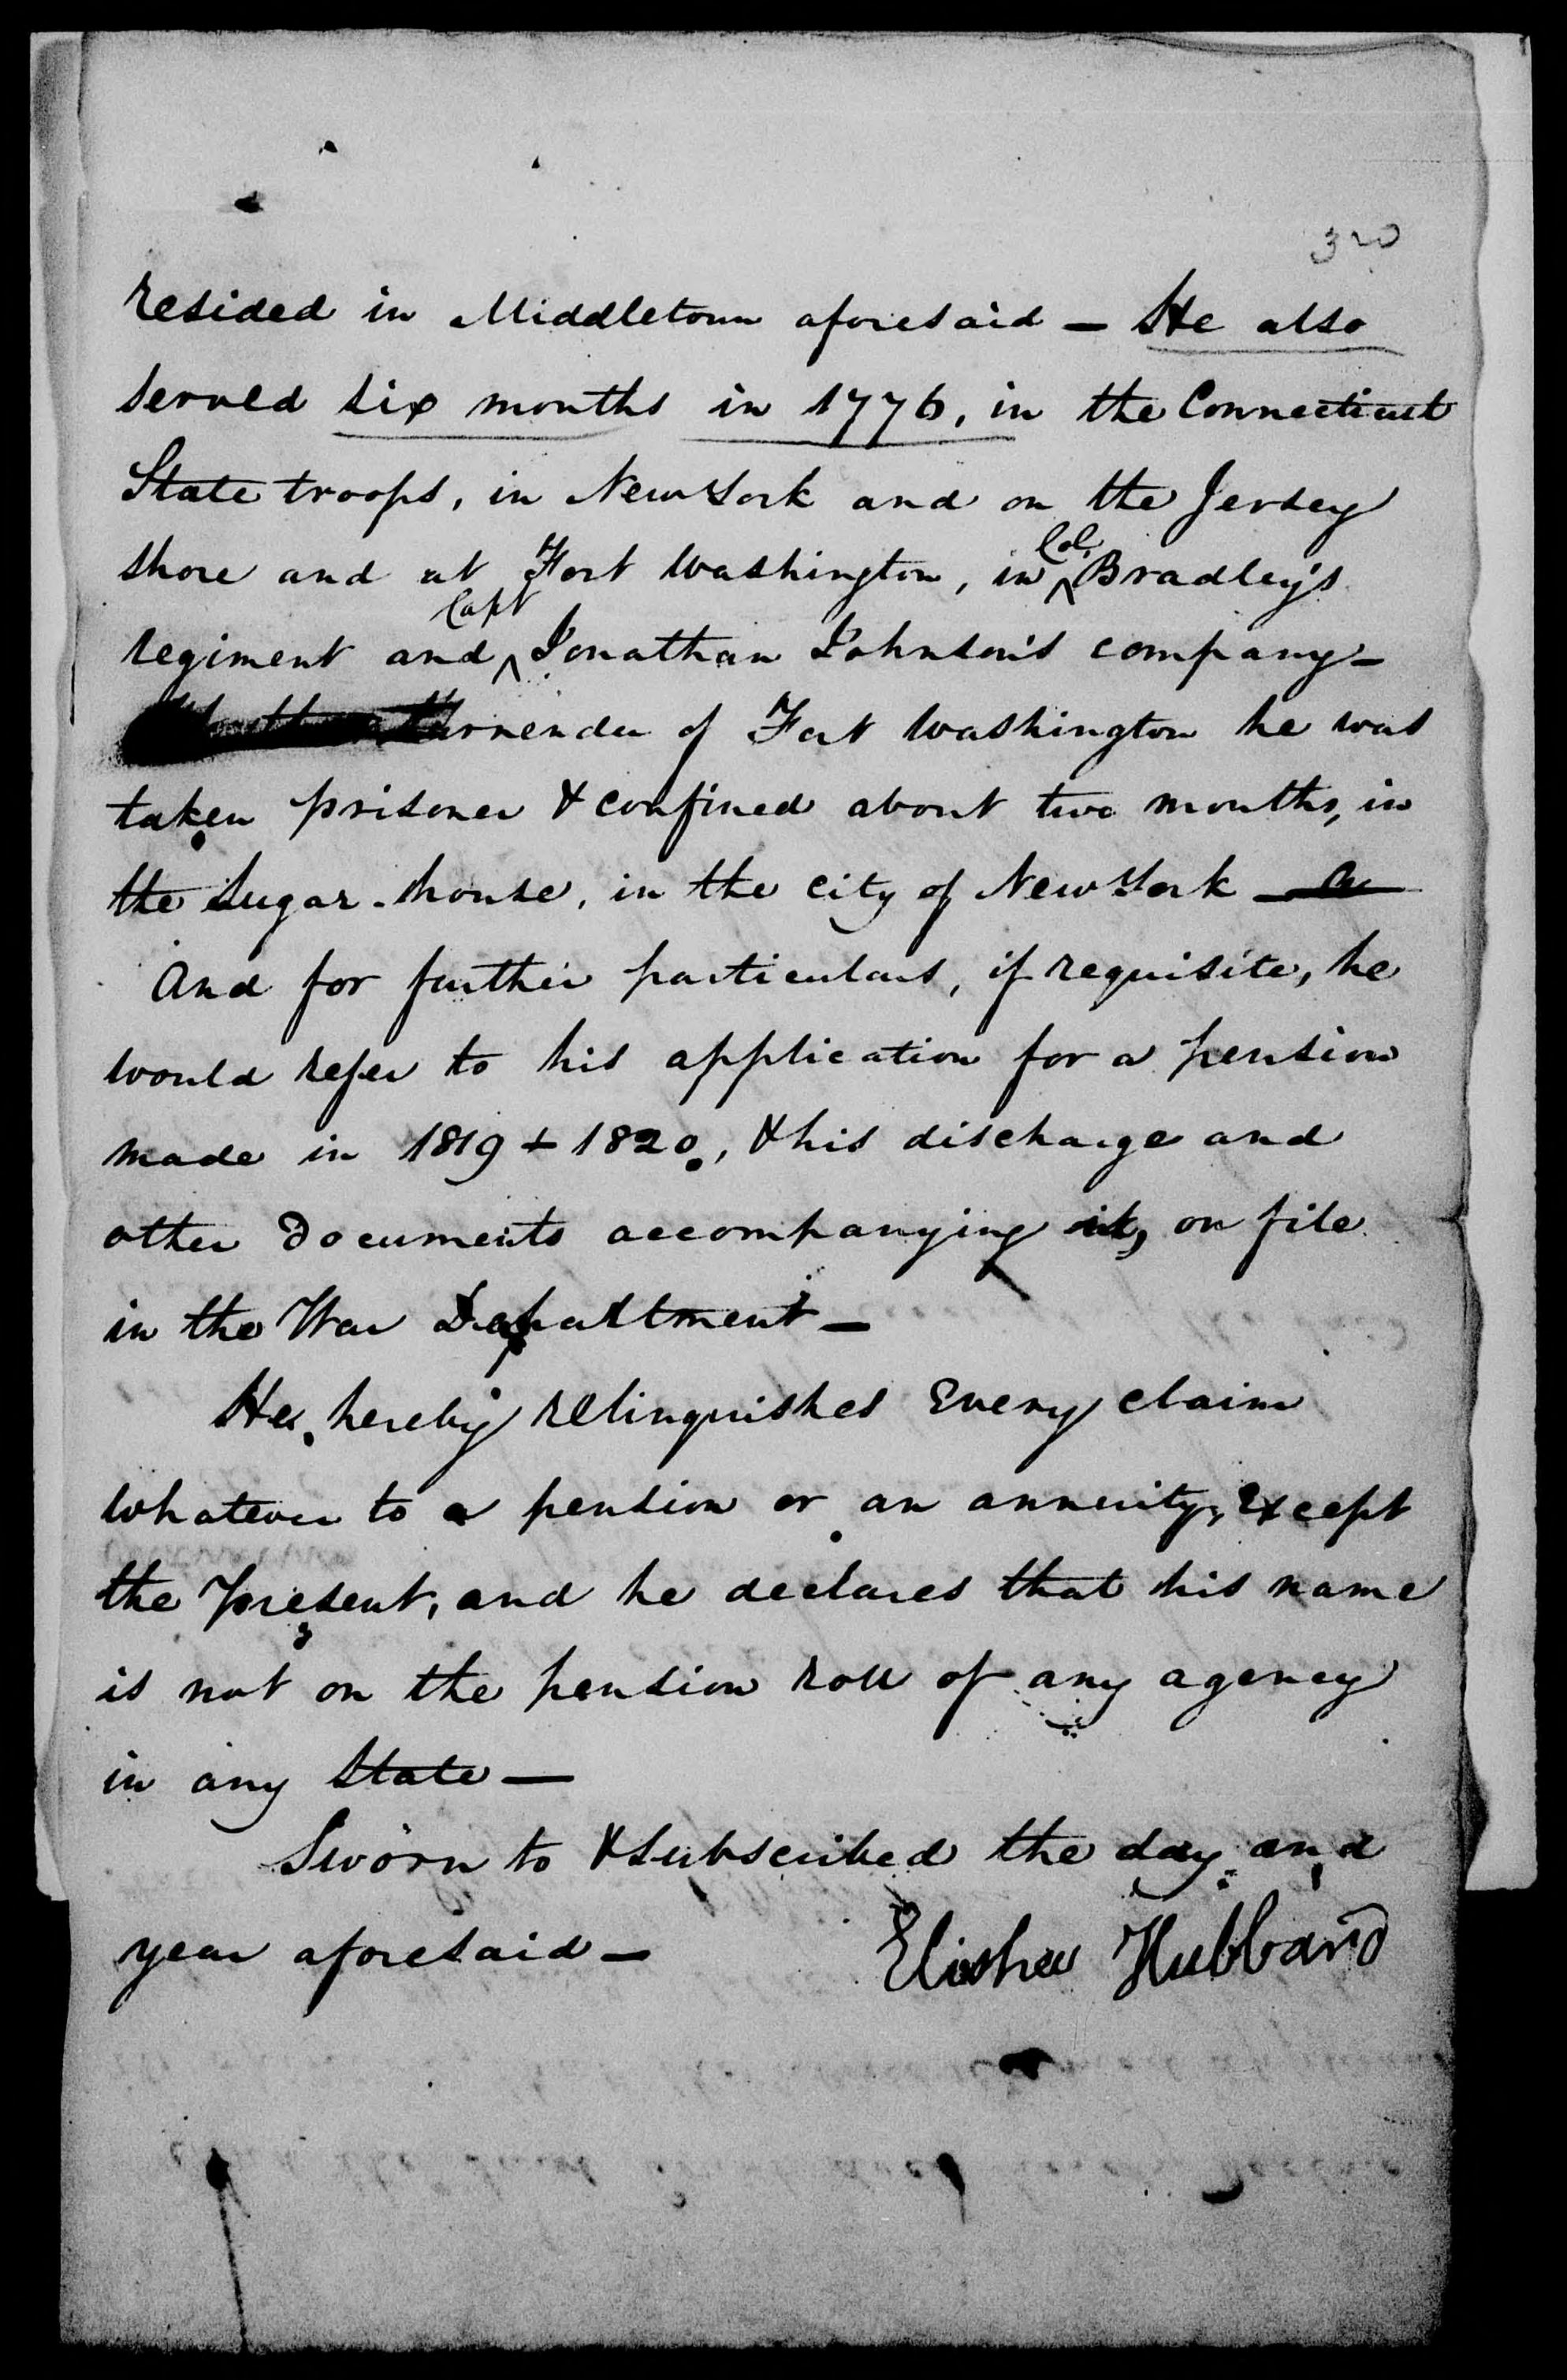resided in Middletown aforesaid - He also served six months in 1776, in the Connecticut State troops, in New York and on the Jersey shore and at Fort Washington, in Col Bradley's regiment and Capt Jonathan Johnson's company - (smudged) surrender of Fort Washington he was taken prisoner & confined about two months, in the Sugar - house, in the city of New York - 
And for further particulars, if requisite, he would refer to his application for a pension made in 1819 - 1820.  & his discharge and other documents accompanying it, on file in the War Department - 
He hereby religuishes every claim whatever to a pension or an annuity except the present, and he declares that his name is not on the pension roll of any agency in any State -
Sworn to & subsribed the day and year aforesaid - 
Elisha Hubbard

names: Elisha Hubbard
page: 8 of 63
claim: survivor's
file: S. 18457, Elisha Hubbard, Conn. Continental